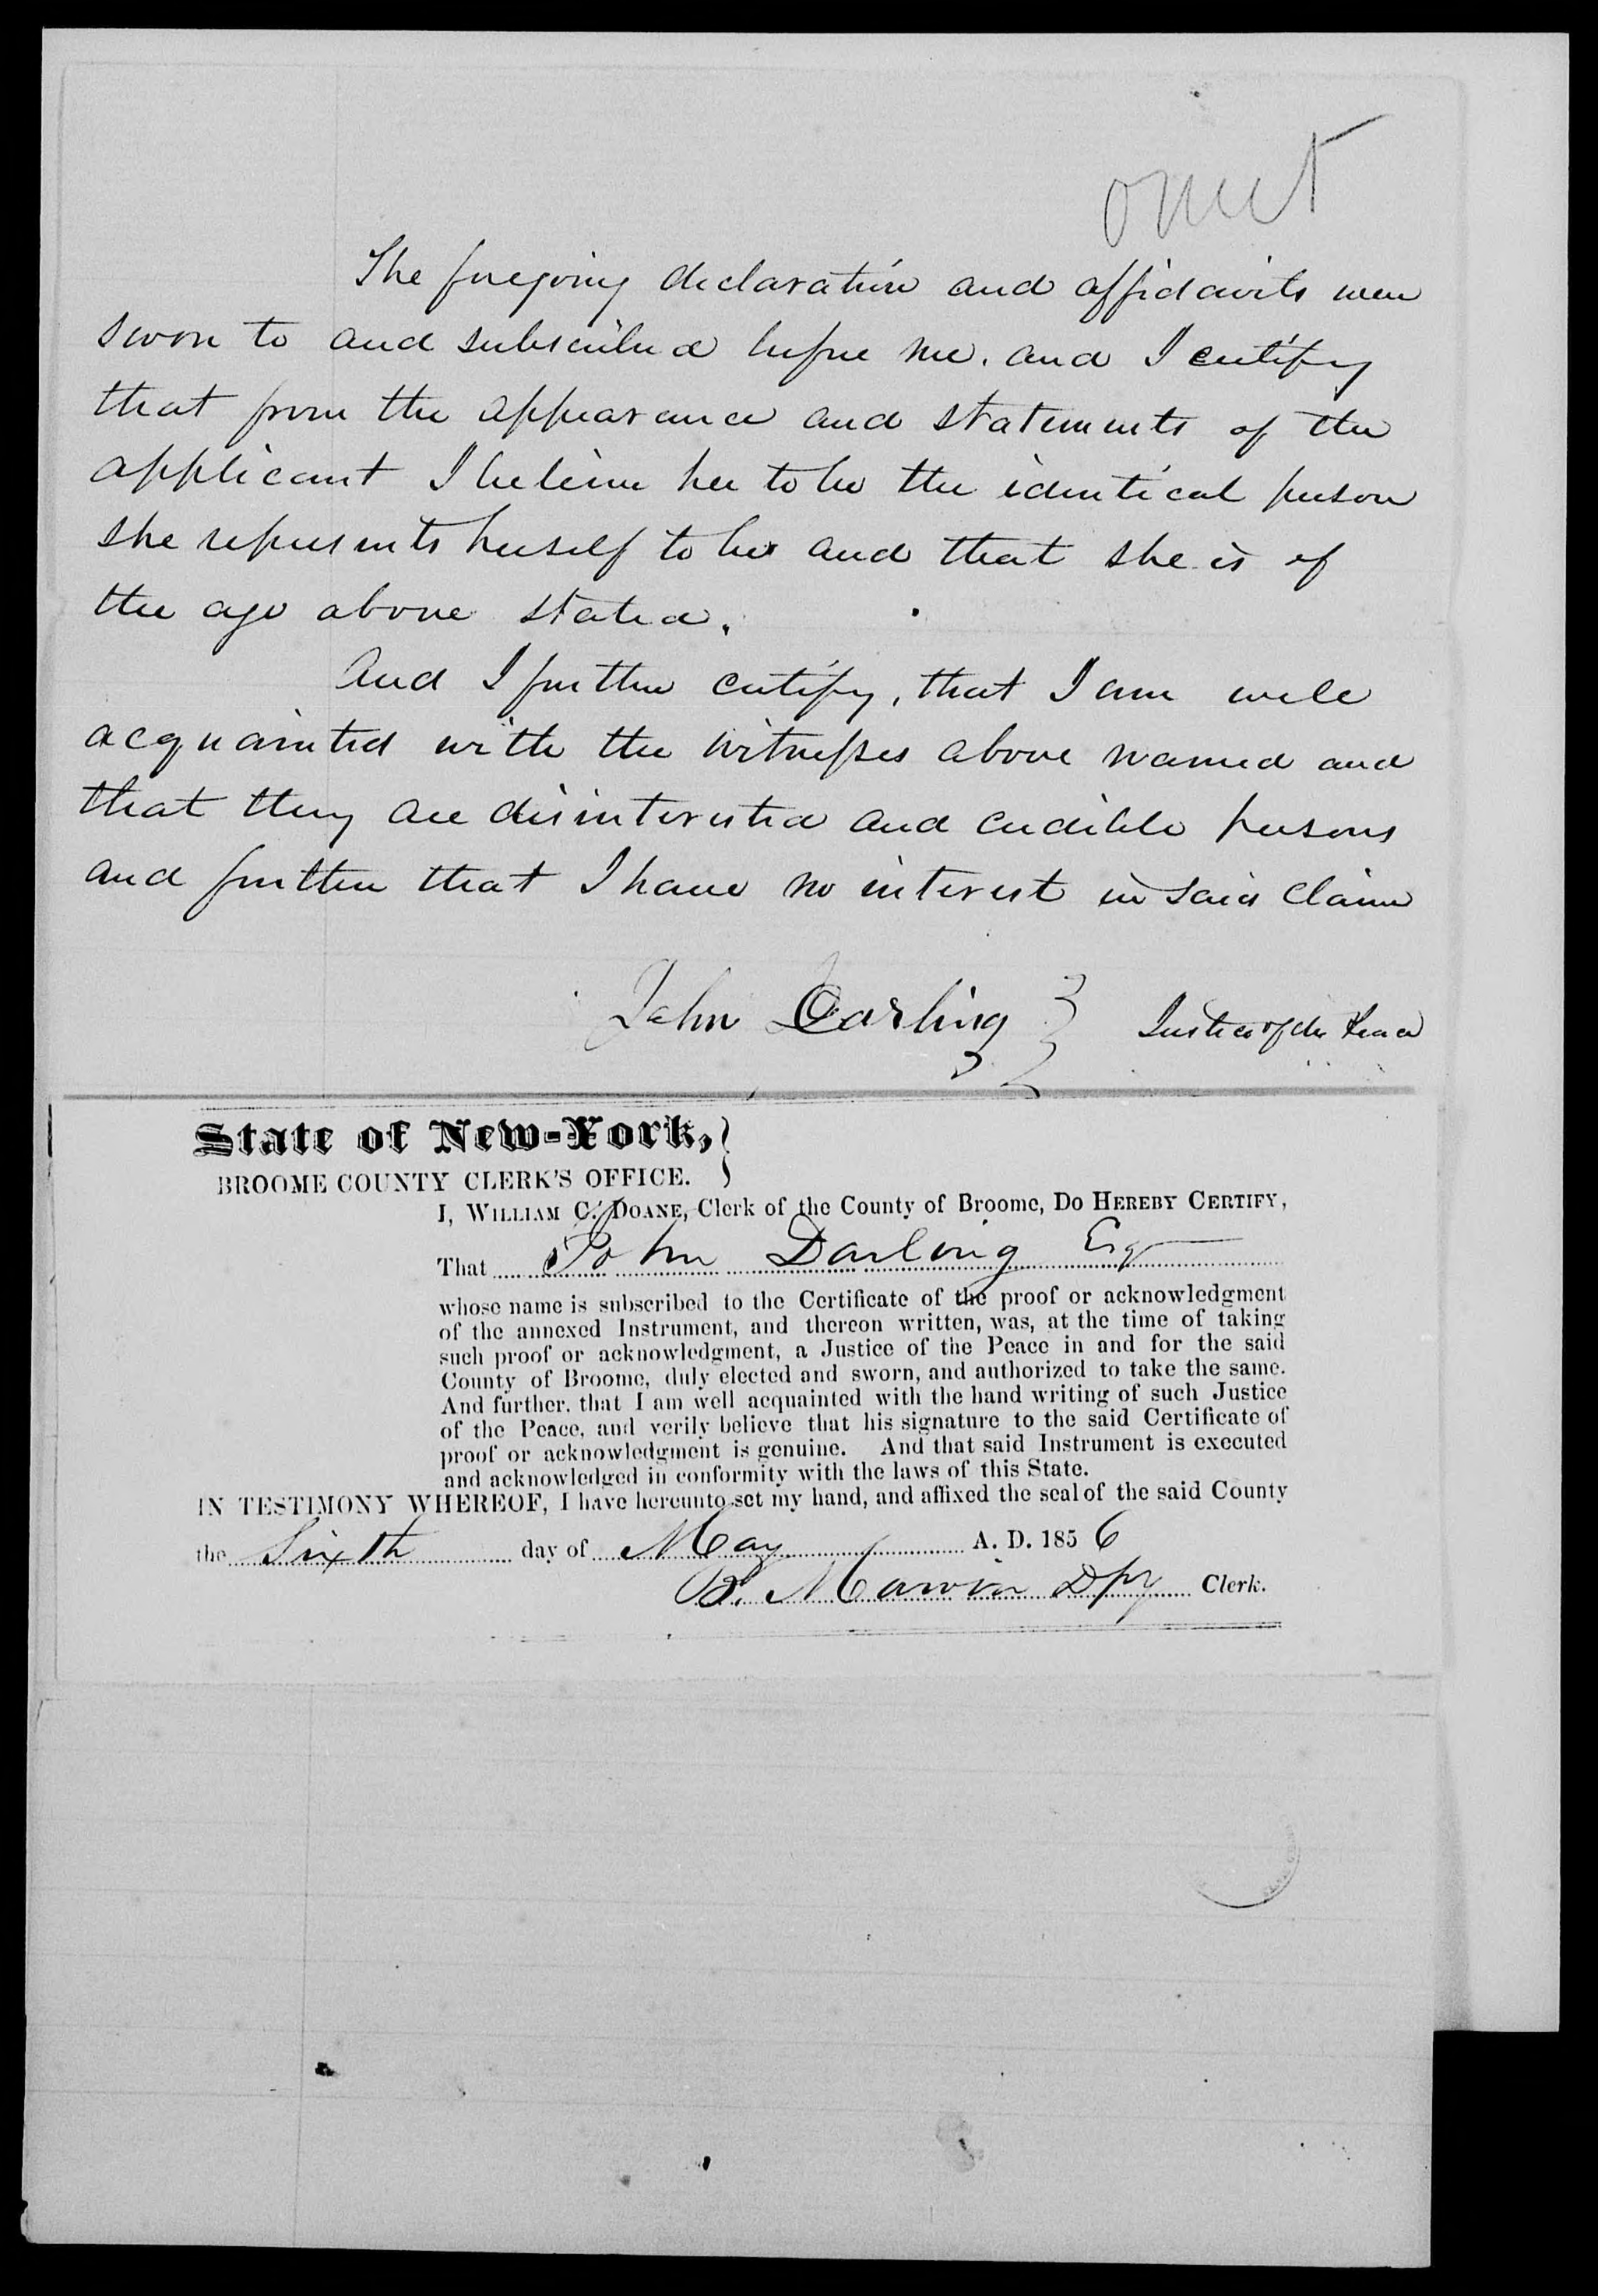OMIT

The foregoing declaration and affidavits were sworn to and subscribed before me, and I certify that from the appearance and statements of applicant I believe her to be the identical widow she represents herself to be and that she is of the age above stated.

And I further certify, that I am well acquainted with the witnesses above named and that they are disinterested and credible persons and further that I have no interest in said claim

[signed]
John Darling  Justice of the Peace

State of New-York,
BROOME COUNTY CLERK'S OFFICE.

I, William C. Doane, Clerk of the County of Broome, Do Hereby Certify,
That John Darling Esq
whose name is subscribed to the Certificate of the proof or acknowledgment of the annexed Instrument, and thereon written, was, at the time of taking such proof or acknowledgment, a Justice of the Peace in and for the said County of Broome, duly elected and sworn, and authorized to take the same.  And further, that I am well acquainted with the hand writing of such Justice of the Peace, and verily believe that his signature to the said Certificate of proof or acknowledgment is genuine.  And that said Instrument is executed and acknowledged in conformity with the laws of this State.

IN TESTIMONY WHEREOF, I have hereunto set my hand, and affixed the seal of the said County the Sixth day of May A.D. 1856
[signed]
B. Marvin Dpy Clerk.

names: B Marvin; John Darling; William C Doane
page: 12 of 70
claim: rejected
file: R. 6510, for Israel Luce, New York